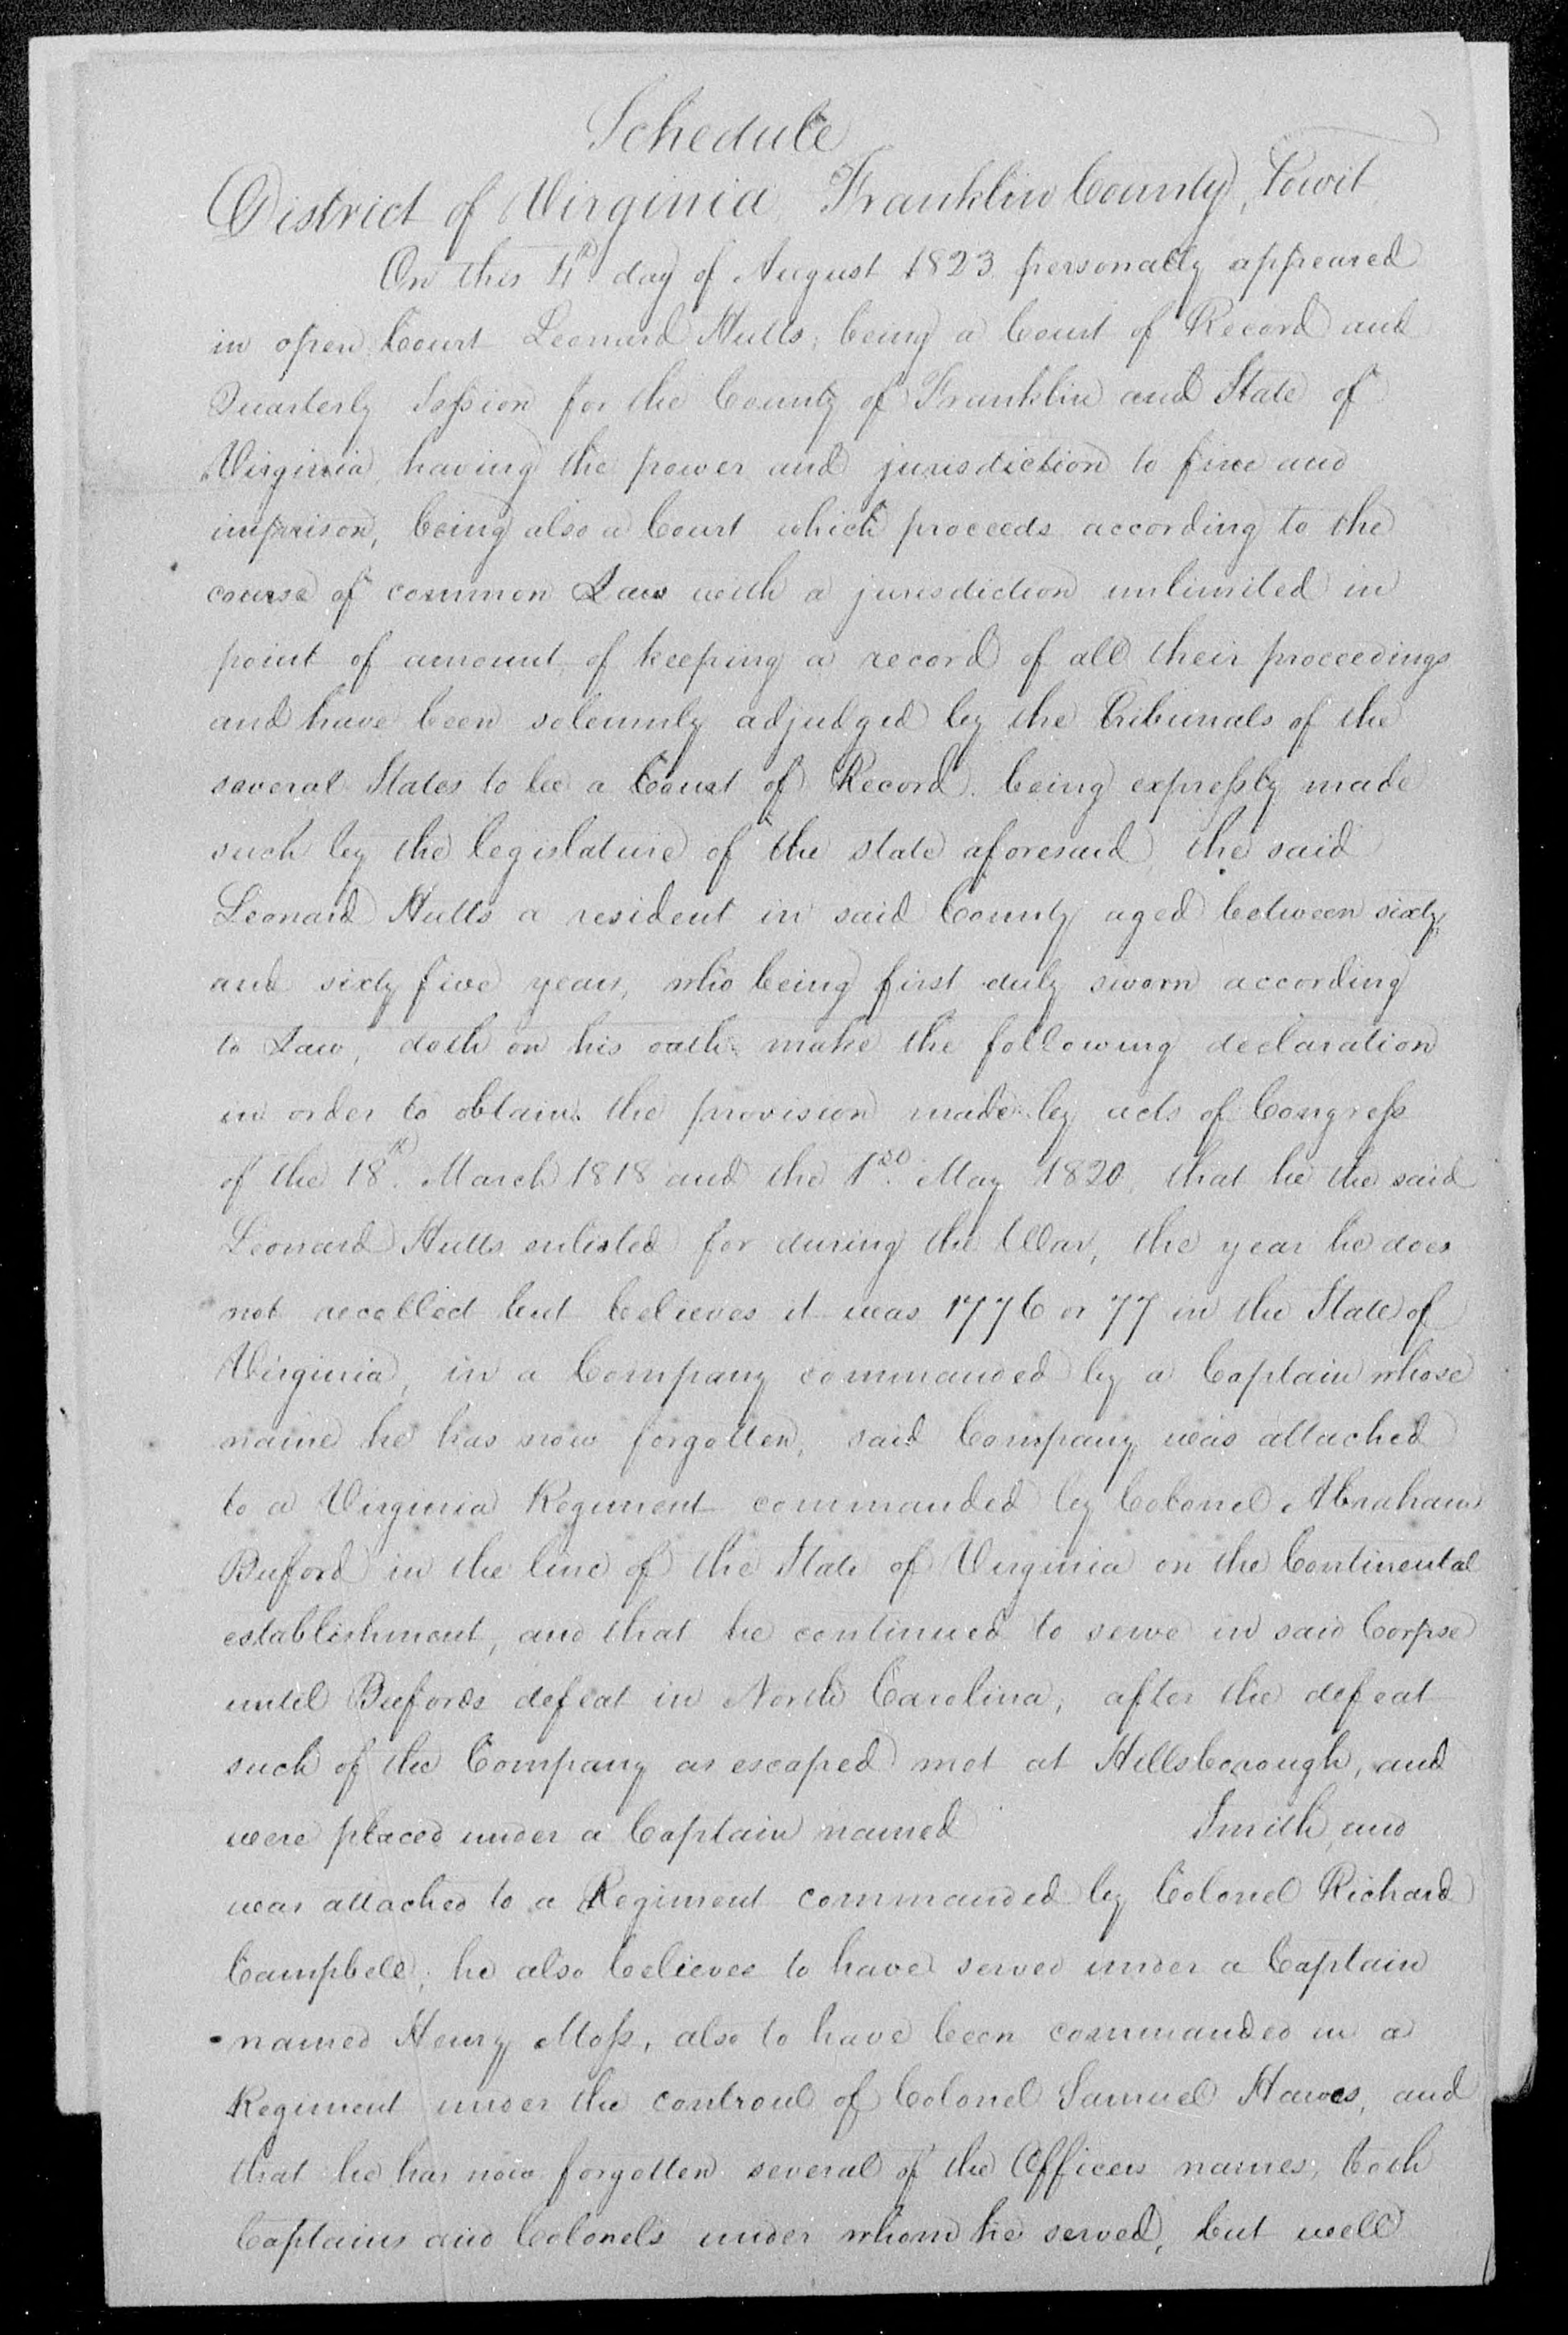Schedule
District of Virginia, Franklin County, Towit, 
On this 4th day of August 1823 personally appeared in open Court Leonard Hutts, being a Court of Record and Quarterly Session for the County of Franklin and State of Virginia, having the power and jurisdiction to fine and imprison, being also a Court which proceeds according to the course of common Law with a jurisdiction unlimited in point of amount, of keeping a record of all their proceedings and have been solemnly adjudged by the Tribunals of the several States to be a Court of Record being expressly made such by the legislature of the state aforesaid, the said Leonard Hutts a resident in said County aged between sixty and sixty five years, who being first duly sworn according to Law, doth on his oath make the following declaration in order to obtain the provision made by the acts of Congress of the 18th March 1818 and the 1st May 1820. that he the said Leonard Hutts enlisted for during the War, the year he does not recollect but believes it was 1776 or 77 in the State of Virginia, in a Company commanded by a Captain whose name he has now forgotten, said Company was attached to a Virginia Regiment commanded by Colonel Abraham Buford in the line of the State of Virginia on the Continental establishment, and that he continued to serve in said Corps until Bufords defeat in North Carolina, after the defeat such of the Company as escaped met at Hillsborough and were placed under a Captain named [blank space] Smith, and was attached to a Regiment commanded by Colonel Richard Campbell; he also believes to have served under a Captain named Henry Moss, also to have been commanded in a Regiment under the control of Colonel Samuel Hawes, and that he has now forgotten several of the Officers names, both Captains and Colonels under whom he served, but well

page: 13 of 33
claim: widow's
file: W. 550, for Leonard Hutts, Virginia